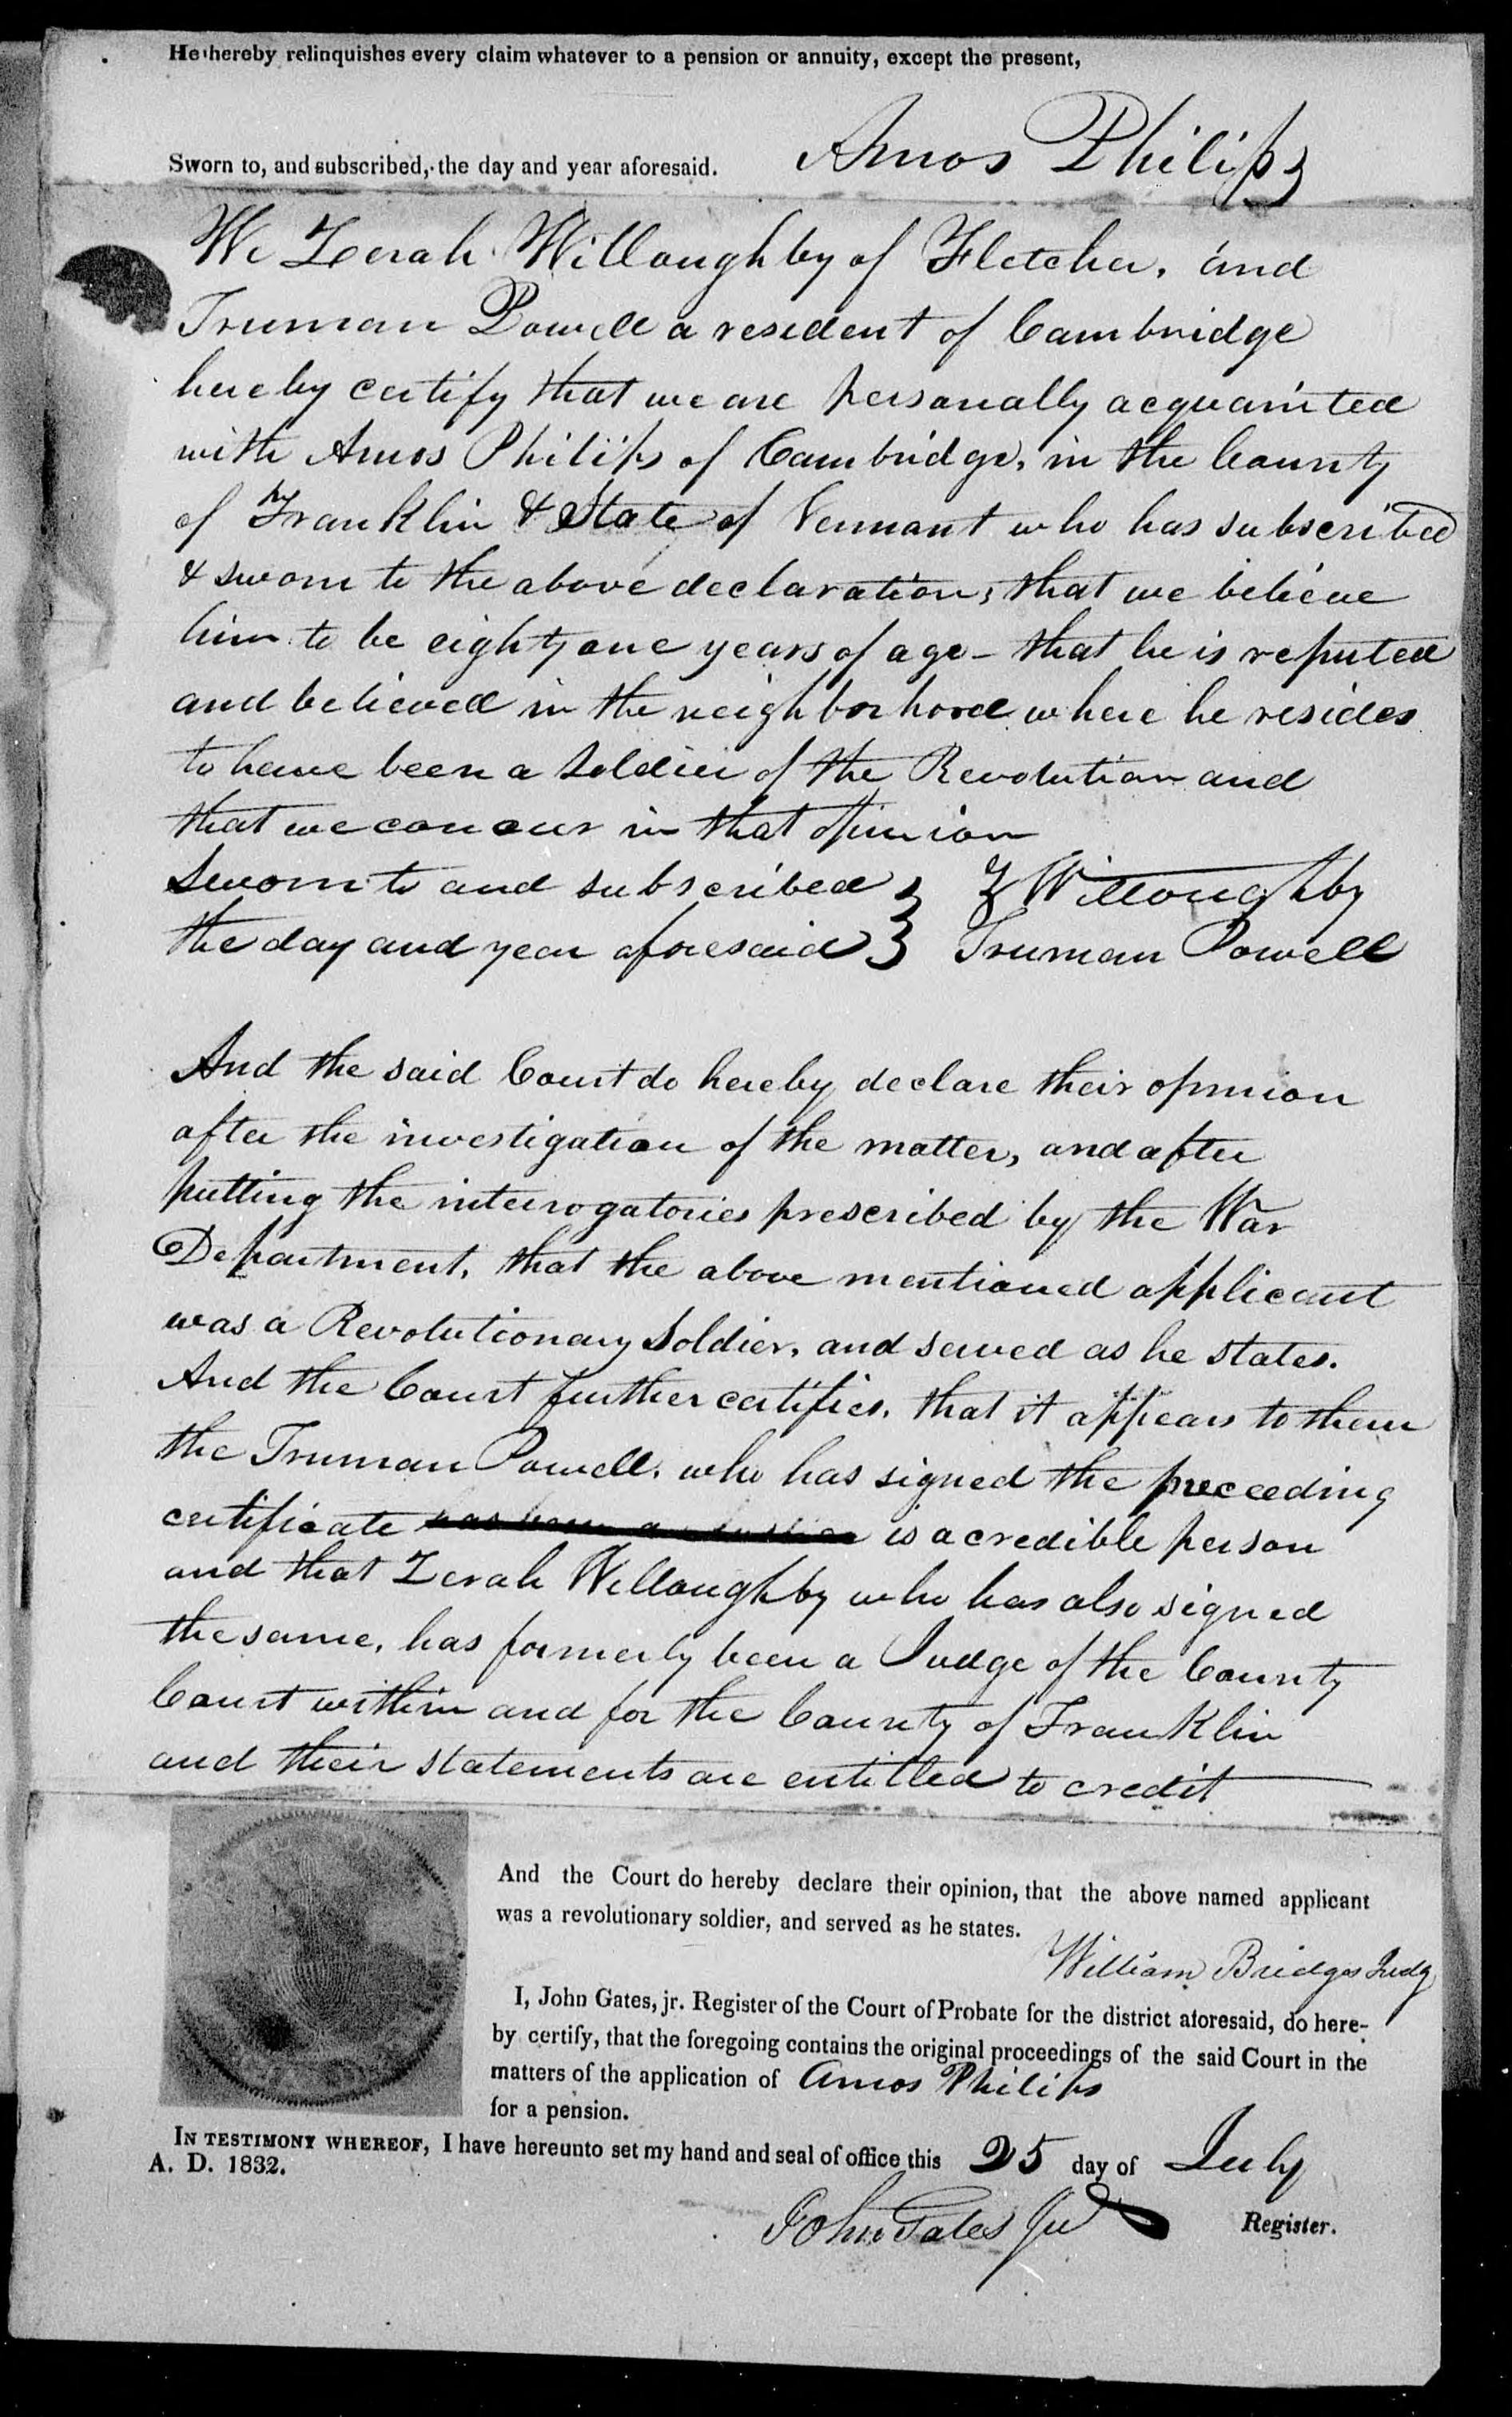He hereby relinquishes every claim whatever to a pension or annuity, except the present,
Sworn to, and subscribed, the day and year aforesaid. Amos Philips
We Zerah Willoughby of Fletcher, and Truman Powell a resident of Cambridge hereby certify that we are personally acquainted with Amos Philips of Cambridge, in the County of Franklin & State of Vermont who has subscribed & sworn to the above declaration, that we believe him to be eighty one years of age - that he is reputed and believed in the neighborhood where he resides to have been a soldier of the Revolution and
that we concur in that opinion
Sworn to and subscribed
the day and year aforesaid 
Z Willoughby Truman Powell
And the said Court do hereby declare their opinion after the investigation of the matter, and after putting the interrogatories prescribed by the War Department, that the above mentioned applicant was a Revolutionary Soldier, and served as he states.
And the Court further certifies, that it appears to them the Truman Powell, who has signed the preceeding [preceding] certificate is a credible person and that Zerah Willoughby who has also signed the same, has formerly been a Judge of the County Court within and for the County of Franklin and their statements are entitled to credit
And the Court do hereby declare their opinion, that the above named applicant was a revolutionary soldier, and served as he states.
William Bridges Judge
I, John Gates, jr. Register of the Court of Probate for the district aforesaid, do hereby
certify, that the foregoing contains the original proceedings of the said Court in the matters of the application of Amos Philips for a pension.
IN TESTIMONY WHEREOF, I have hereunto set my hand and seal of office this 25 day of July A. D. 1832
John Gates Jud
Register.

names: Amos Philips; Zerah Willoughby; John Gates; William Bridges; Freeman Powell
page: 26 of 26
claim: widow's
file: W. 26,886, for Amos Phillips, Massachusetts